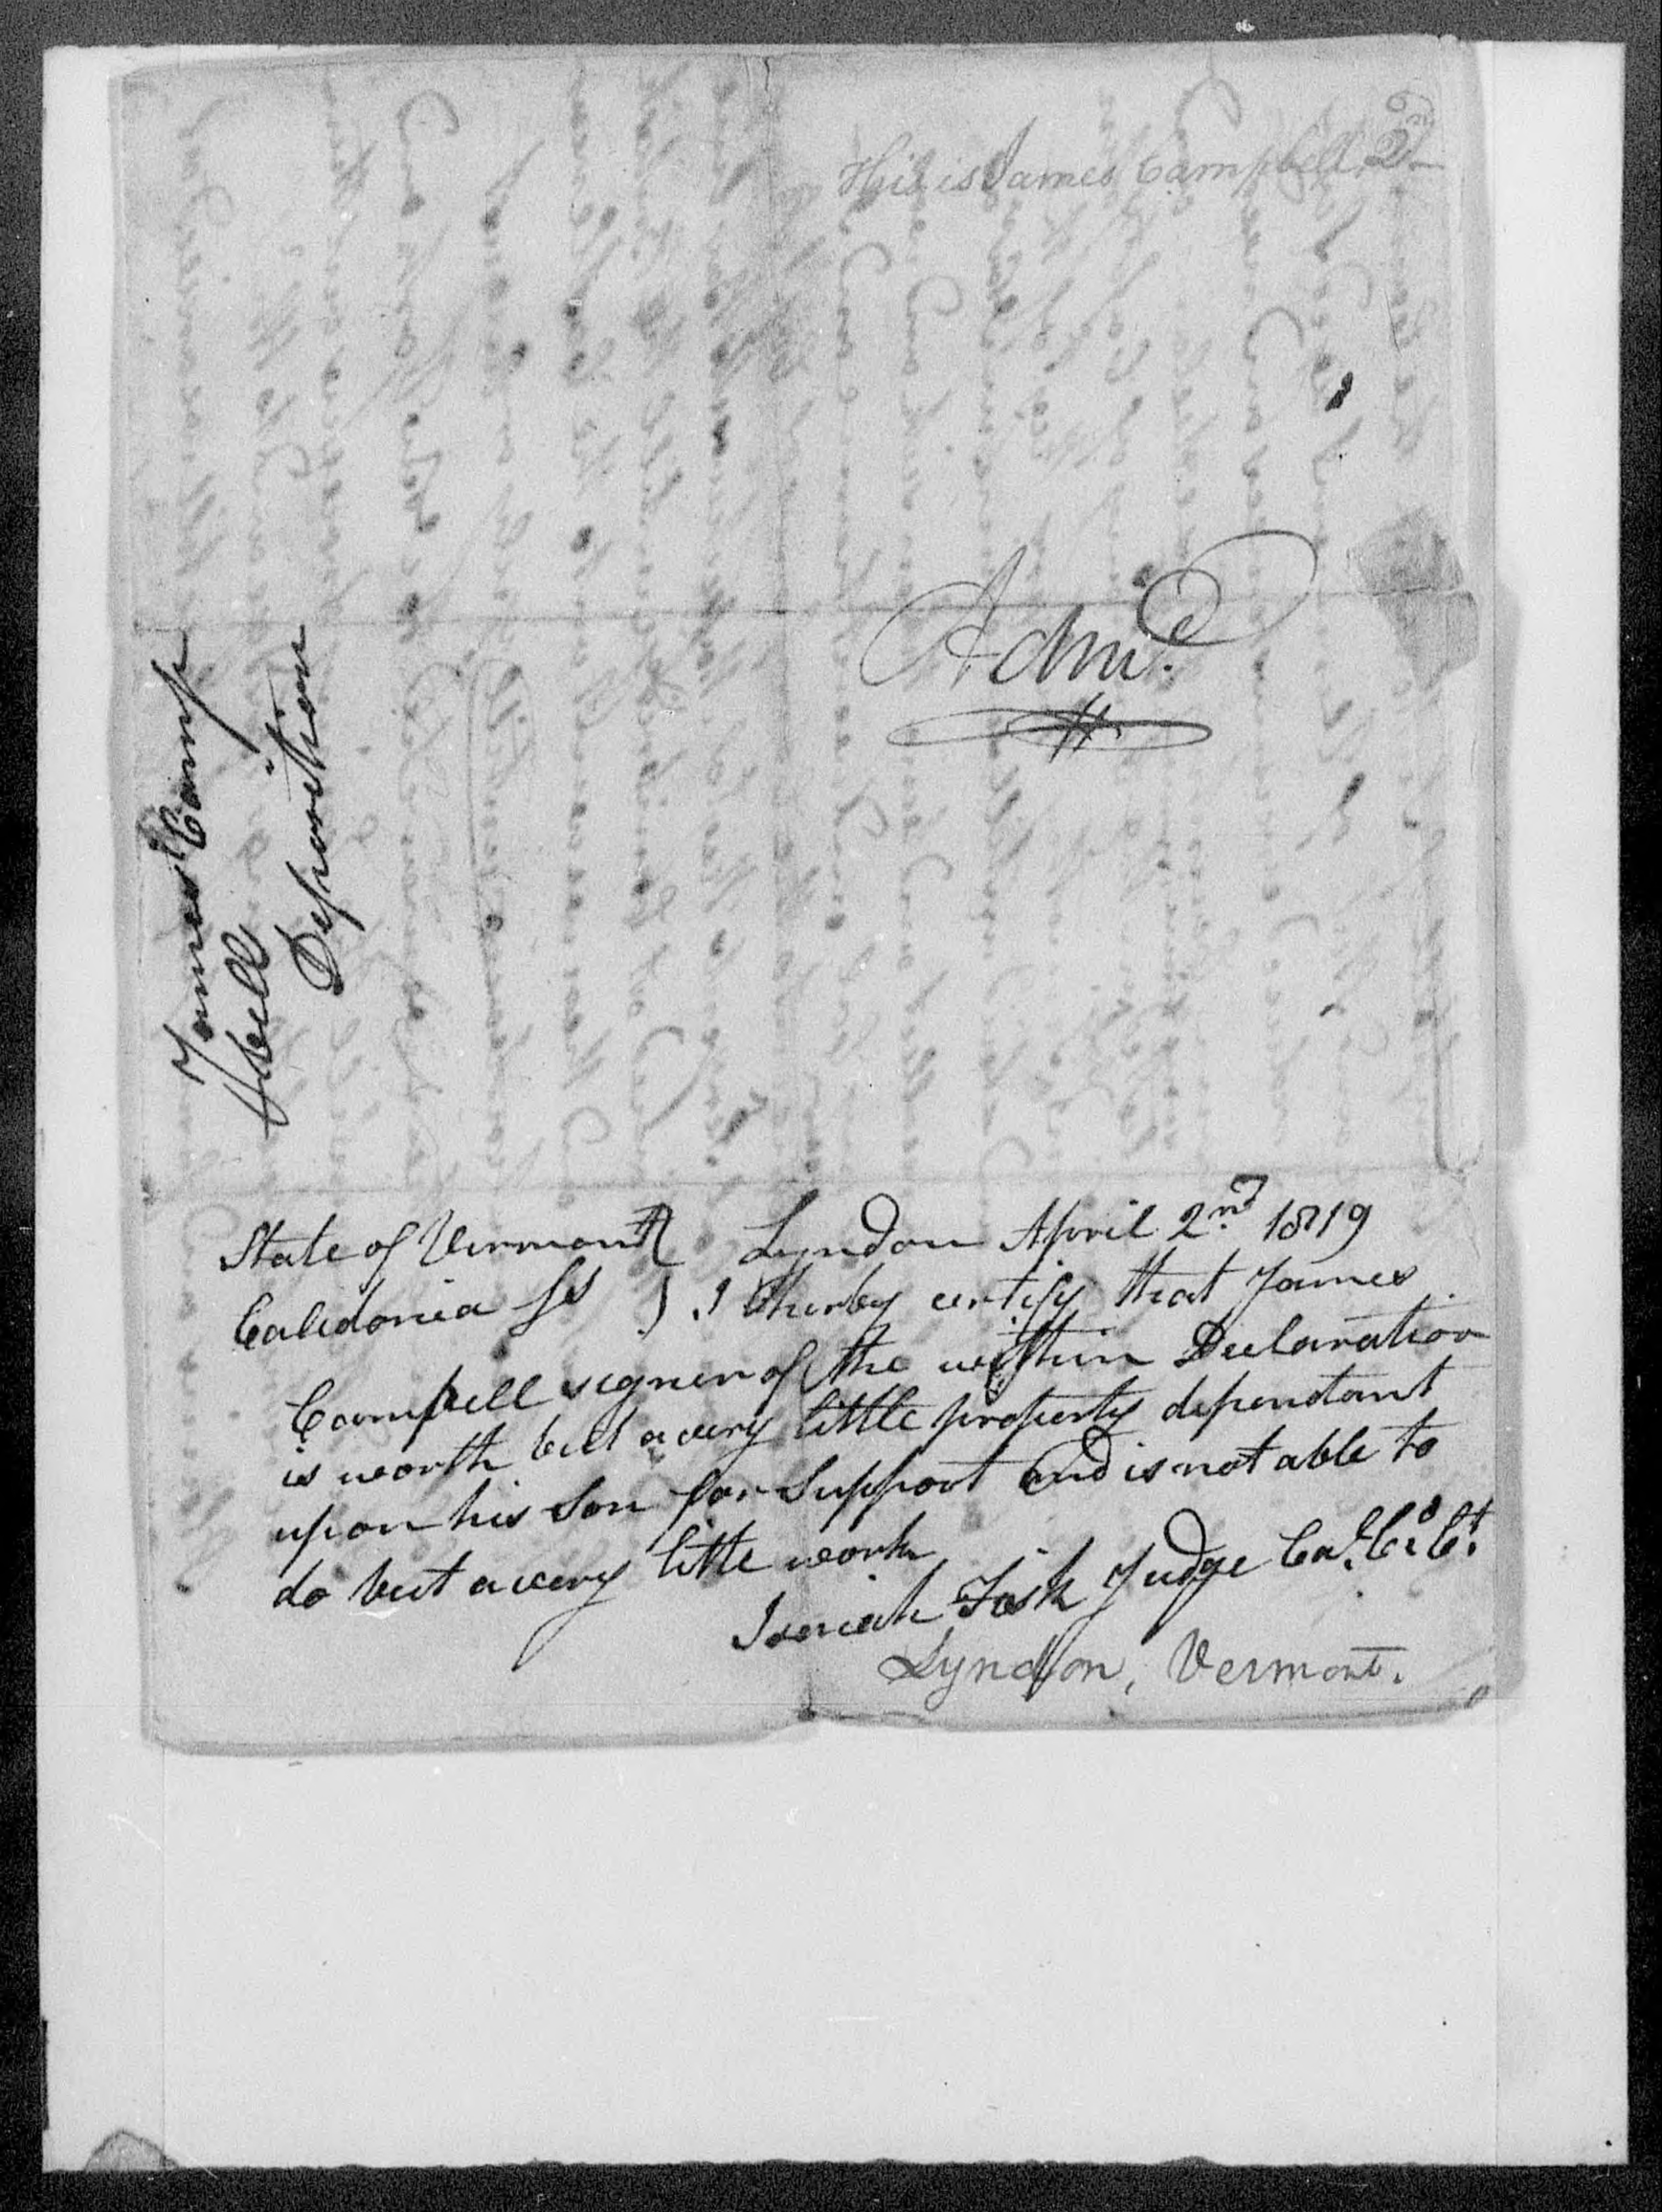Admit.

Monroe County
bell
Deposition

State of Vermont}
Caledonia ss}
Lyndon April 2nd. 1819
I hereby certify that James Campbell signer of the within Declaration is worth but a very little property dependent upon his Son for Support and is not able to do but very little work
Isiah Fish Judge Cal. Co. Ct.
Lyndon, Vermont.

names: James Campbell, James Campbell, Isaiah Fisk, James Campbell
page: 6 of 67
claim: widow's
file: W. 23772, James Campbell, Continental Mass.